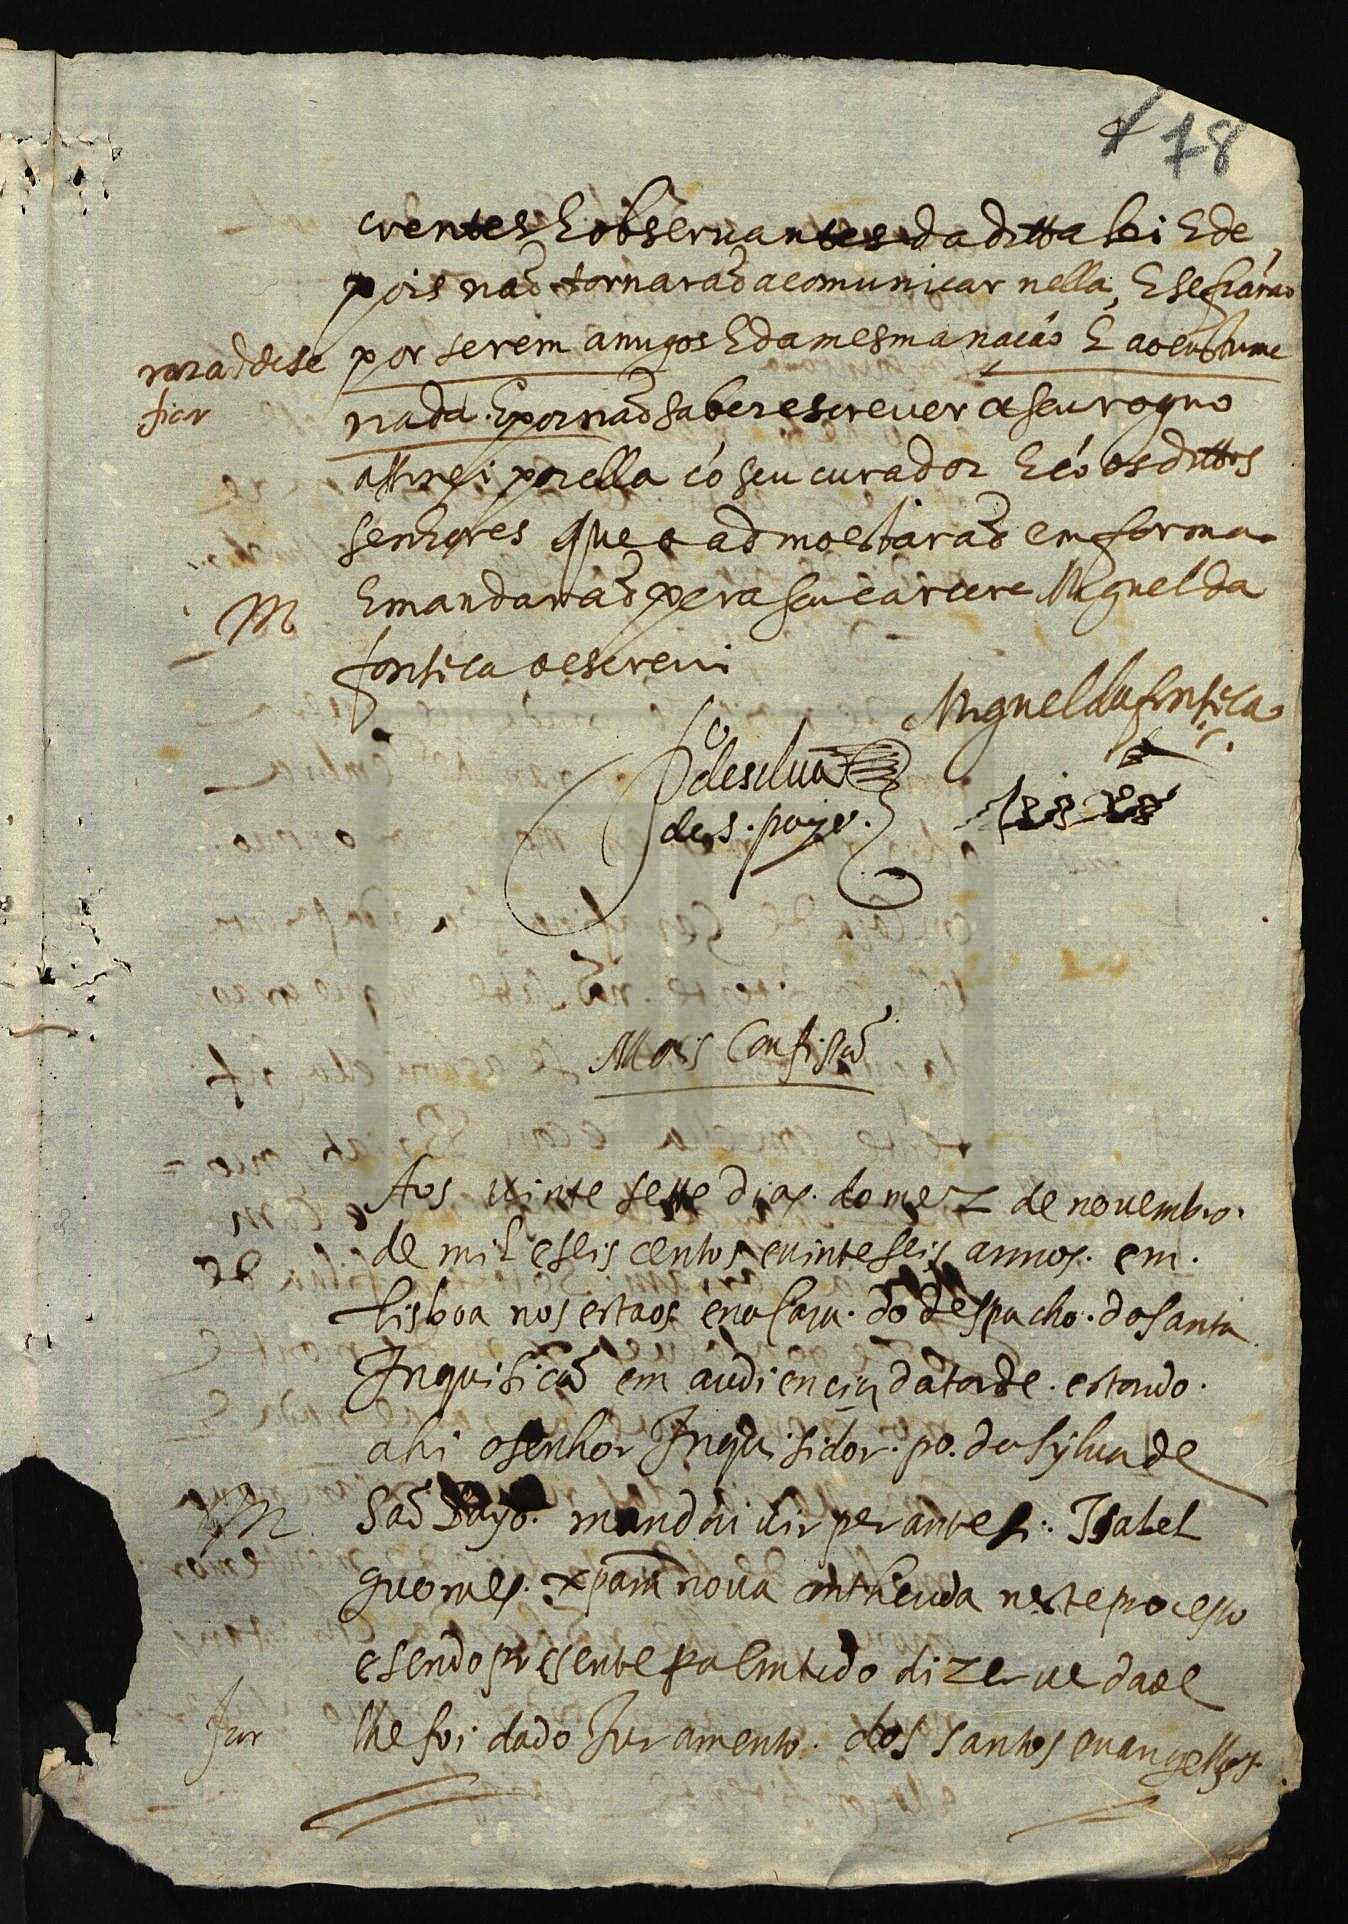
razaõ de se
fiar
m
m
Jur
crentes E obseruantes da ditta lei E de
pois naõ tornaraõ a comunicar nella, E se fiarão
por serem amigos E da mesma nação E ao custume
nada. E por naõ saber escreuer a seu roguo
assinei por ella cō seu curador E cō os dittos
senhores que a admoestaraõ em forma
E mandaraõ pera seu carcere Miguel da
fonseca o escreui
Mais Confissaõ
Aos vinte sette dias do mez de nouembro
de mil e seiscentos e uinte seis annos. em
lisboa nos estaos e na Caza do despacho da santa
Jnquisição em audiencia da tarde. estando
ahi o senhor Jnquisidor po. da Sylua de
Saõ Payo mandou uir perante si Isabel
guomes xpam noua contheuda neste processo
e sendo presente ꝑa em tudo dizer uerdade
lhe foi dado Juramento dos santos euangelhos
